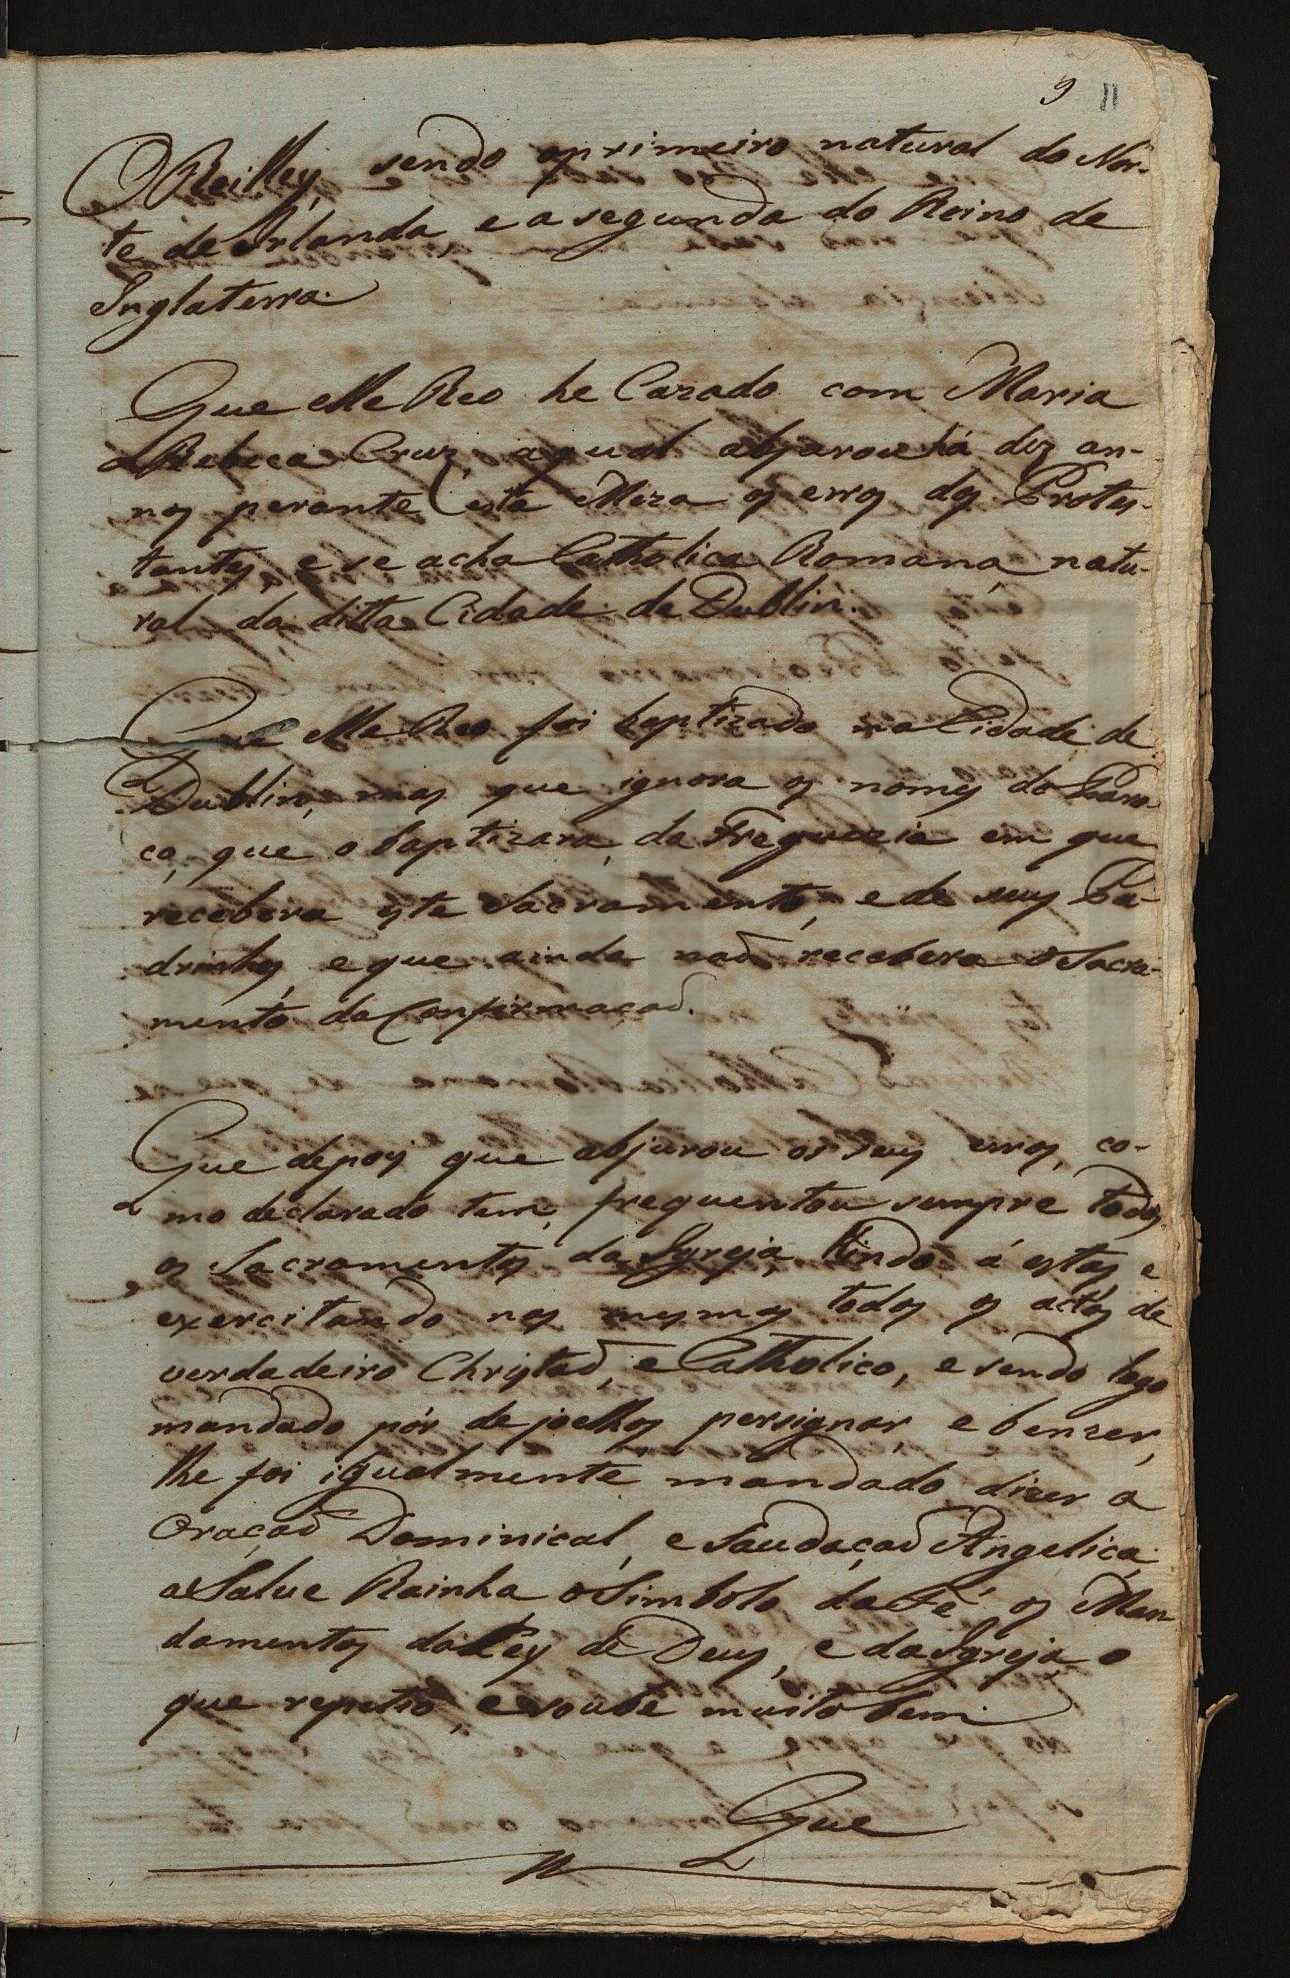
9
OReilley, sendo o primeiro natural do Nor
te de Irlanda, e a segunda do Reino de
Inglaterra.
Que elle Reo he Cazado com Maria
Rebeca Cruz, a qual abjurou há dez an
nos perante esta Meza os erros dos Protes
tantes, e se acha Catholica Romana, natu
ral da ditta Cidade de Dublin.
Que elle Reo foi baptizado na Cidade de
Dublin, mas que ignora os nomes do Paro
co, que o baptizara, da Freguezia em que
recebera este Sacramento, e de seus Pa
drinhos, e que ainda naõ recebera o Sacra
mento da Confirmaçaõ.
Que depois que abjurou os seus erros, co
mo declarado tem, frequentou sempre todos
os Sacramentos da Igreja, hindo á estas e
exercitando nas mesmas todos os actos de
verdadeiro Christaõ, e Catholico, e sendo logo
mandado pór de joelhos persignar, e benzer,
lhe foi igualmente mandado dizer a
oraçaõ Dominical, e Saudaçaõ Angelica,
a Salue Rainha, o Simbolo da Fé os Man
damentos da Ley de Deus, e da Igreja o
que repetio, e soube muito bem.
Que
